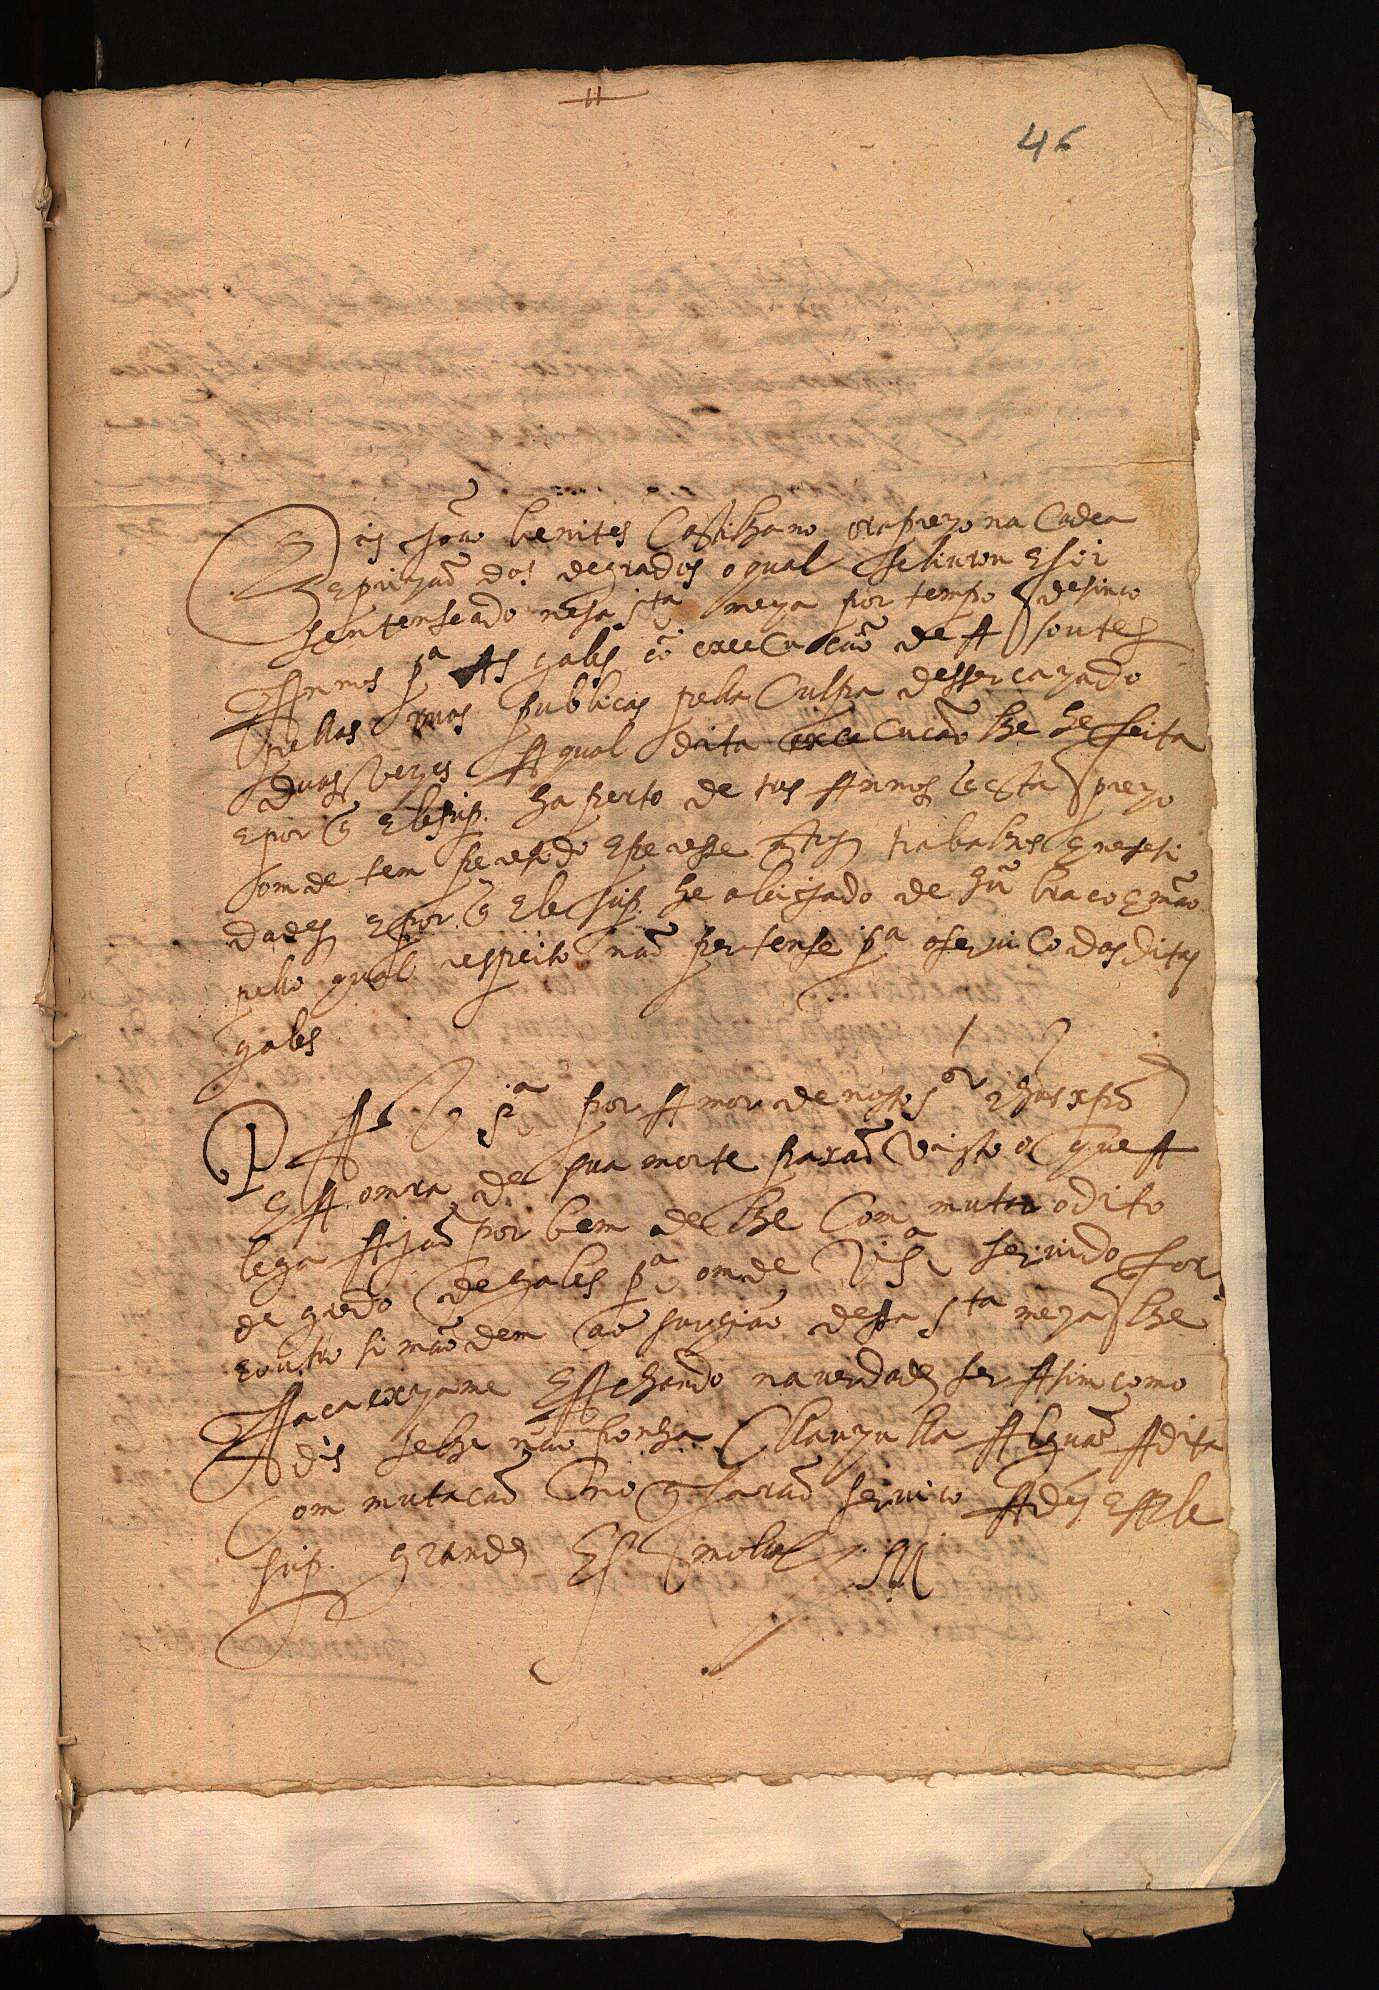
Dis João benites Castilhano ora prezo na Cadea
E prizaõ dos degredos o qual se liurou E foi
sentenseado nesa sta meza por tempo de sinco
Annos pa As gales cō excecuçaõ de Asoutes
pellas ruas publicas pella Culpa de sser cazado
duas vezes A qual dita excecução lhe he feita
E porq̄ Ele sup. ha perto de tres Annos q̄ esta prezo
omde tem peresido E peresse mtos trabalhos E nesesi
dades E porq̄ Ele sup. he aleijado de hū braço E mão
pello qual respeito naõ pertense pa o seruico das ditas
gales
P A V Sa por Amor de nosso sor ihūs xpō
E A omra de sua morte paxaõ visto o que A
lega Ajaõ por bem de lhe Commutar o dito
degredo de gales pa omde V Sa seruido for
E outrosi maõdem ao suregiaõ dessa sta meza lhe
ffaça exzame E Achando na uerdade ser Asim como
dis se lhe naõ ponha Cllauzulla Alguā A dita
Commutaçaõ no q̄ faraõ seruiço A dēs E A ele
sup. grande Esmola E M
